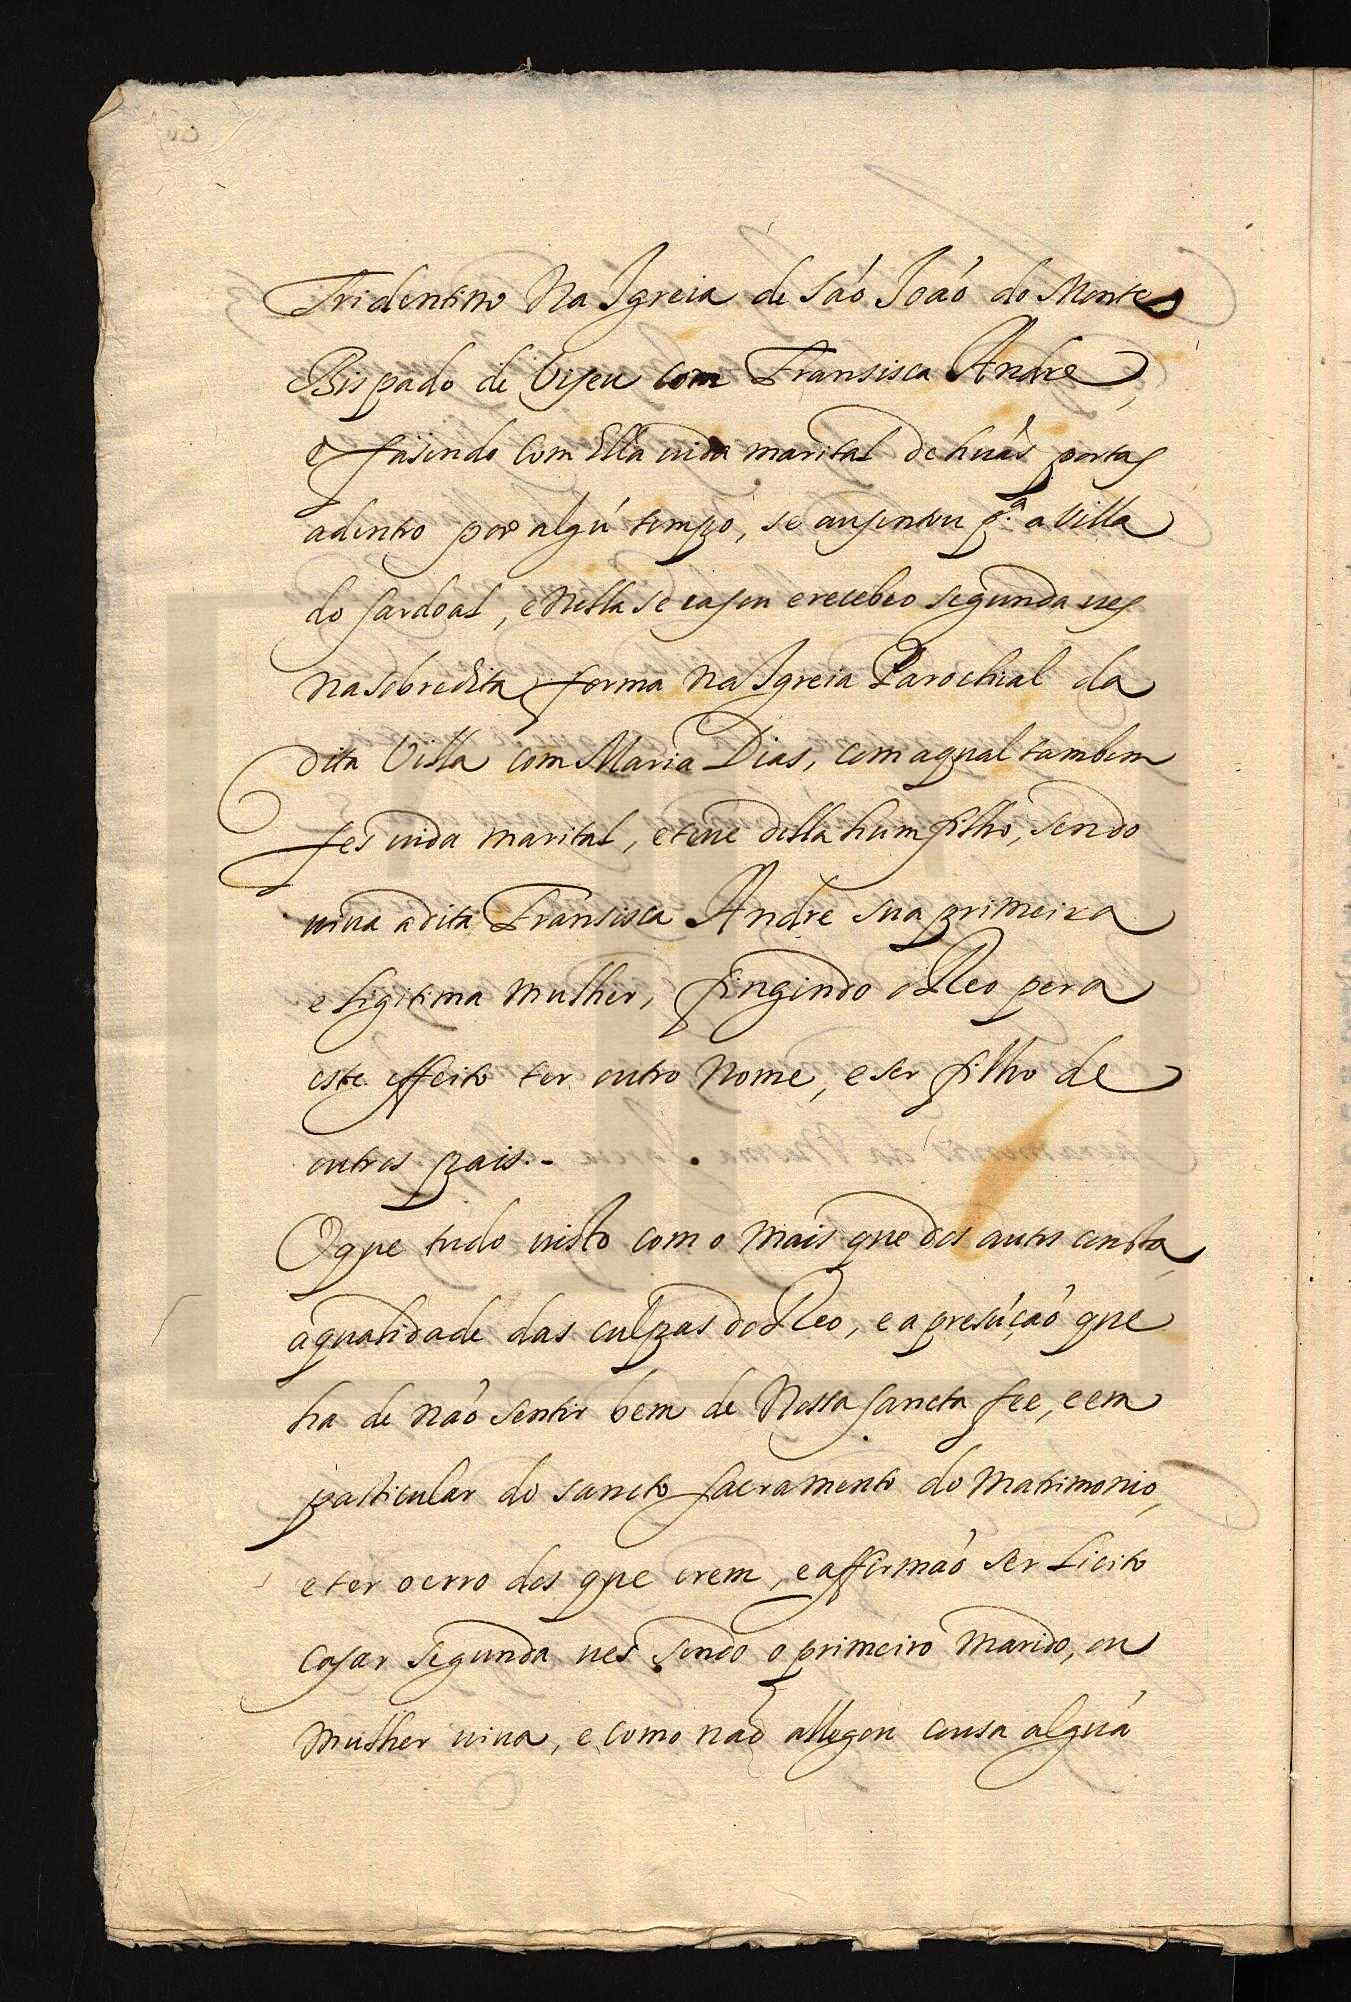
Tridentino na Igreia de Saõ Joaõ do Monte
Bispado de Viseu com Fransisca Andre,
e fasendo com Ella uida marital de huās portas
adentro por algū tempo, se ausentou p.a a villa
do Sardoal, e nella se cazou e recebeo segunda ues
na sobredita forma na Igreia Parochial da
dita Villa com Maria Dias, com a qual tambem
fes uida marital, e teue della hum filho, sendo
uiua a dita Fransisca Andre sua primeira
e ligitima mulher, fingindo o Reo pera
este effeito ter outro nome, e ser filho de
outros pais.
O que tudo uisto com o mais que dos autos consta,
a qualidade das culpas do Reo, e a presūçaõ que
ha de não sentir bem de nossa sancta fee, e em
particular do sancto sacramento do matrimonio,
e ter o erro dos que crem, e affirmaõ ser Licito
casar segunda ues sendo o primeiro marido, ou
mulher uiua, e como não allegou cousa alguā
